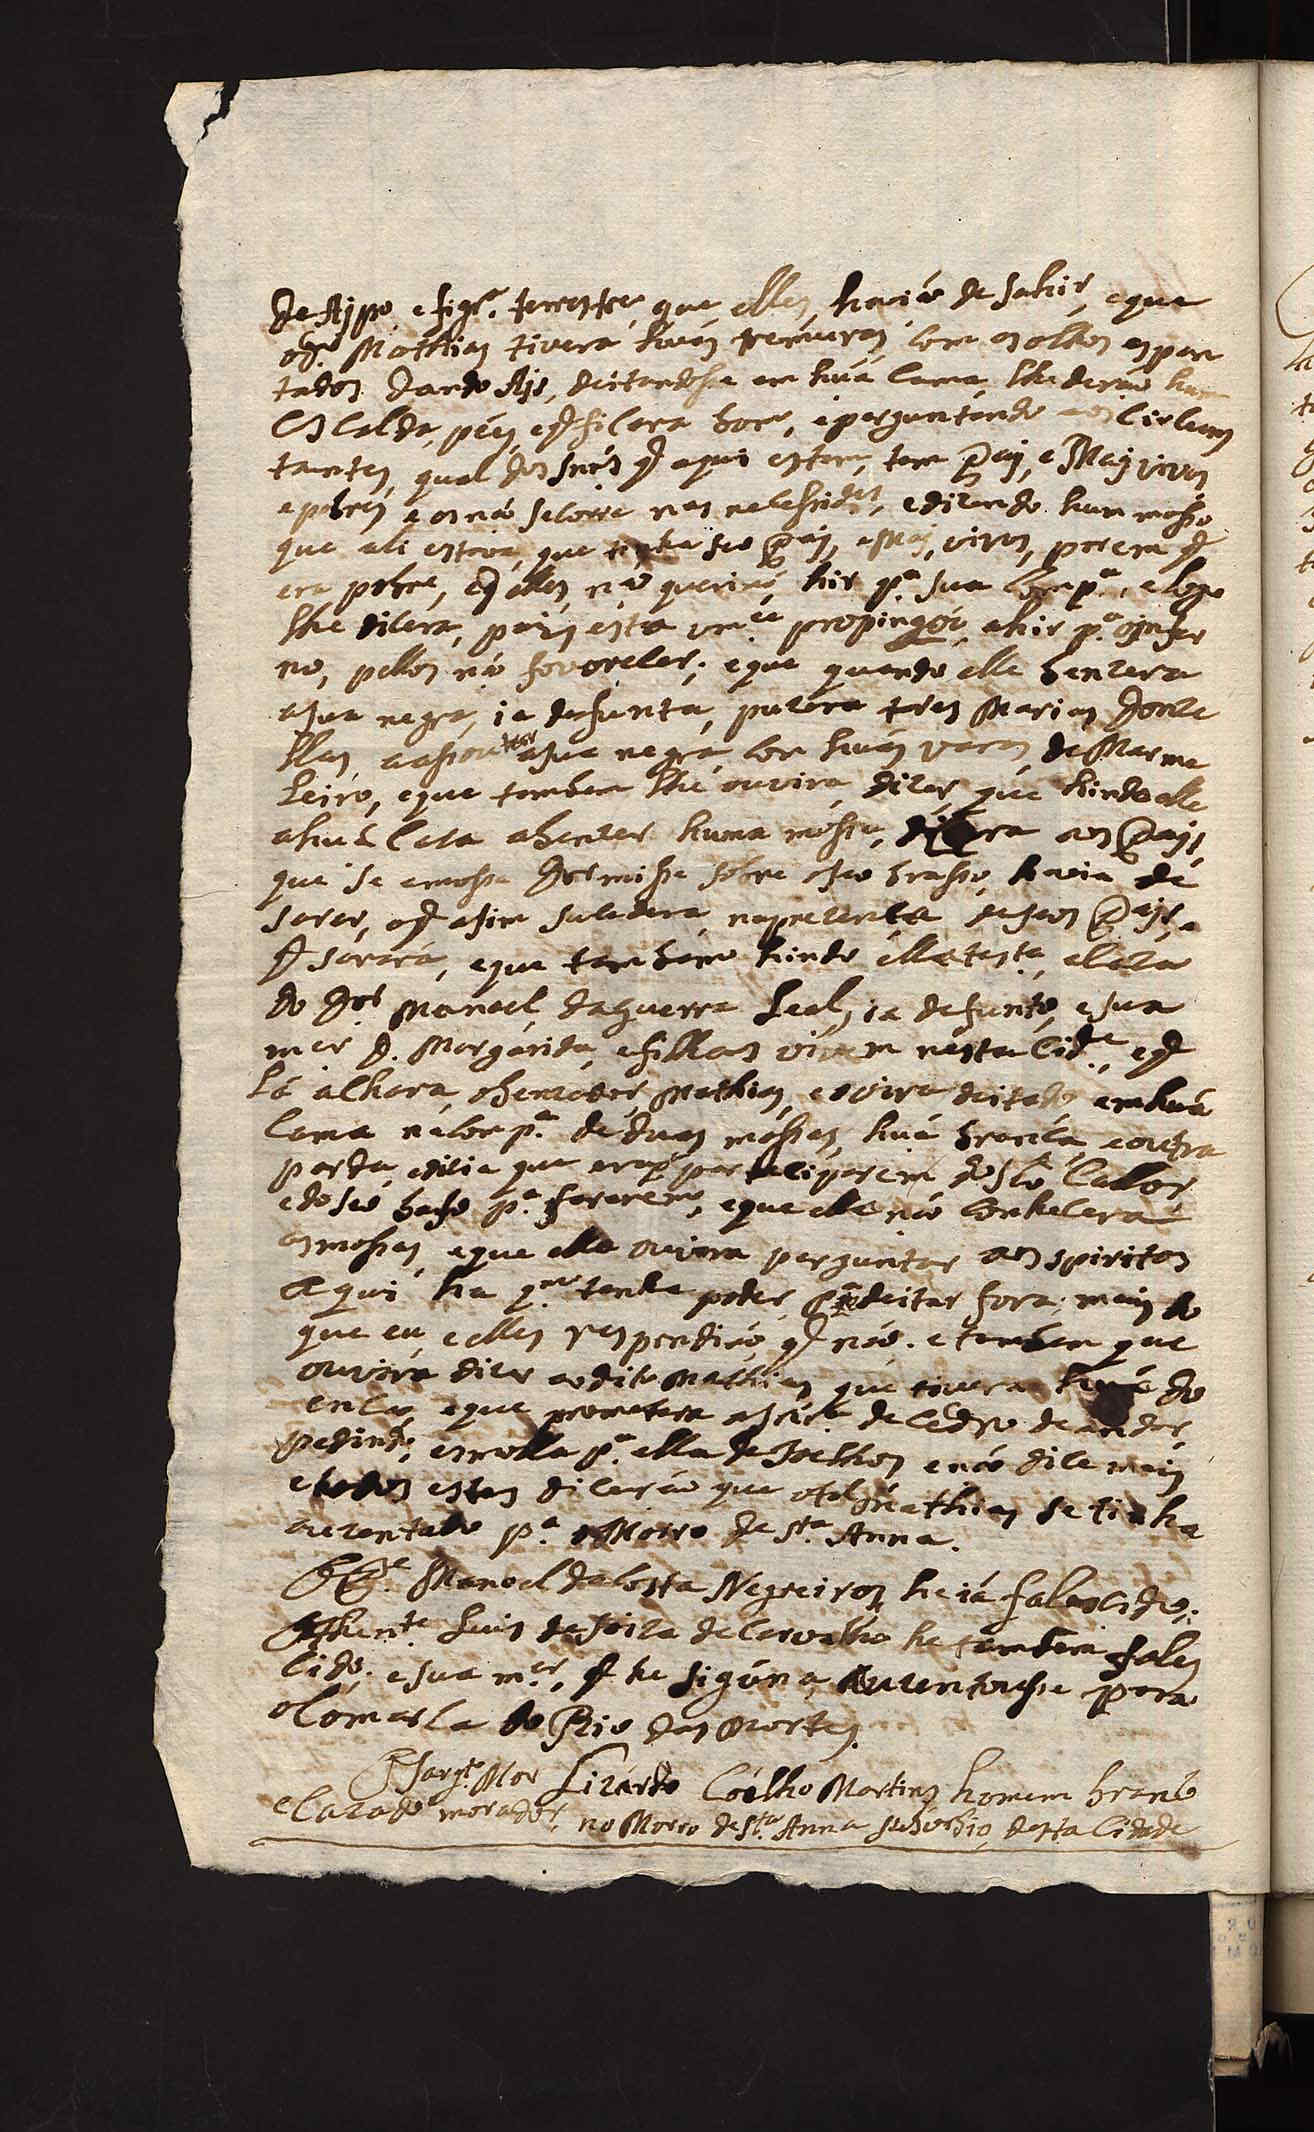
de Aipo e figr.a terrestre, que, elles, haviaõ de sahir, e que
o d.to Mathias tivera huās tremeiras com os olhos espan
tados dando Ais, deitandosse em humā cama lhe derão hum
escalda, pées, e q̄ ficara bom, e perguntando aos circuns
tantes, qual dos snr̄.s q̄ aqui estam, tem paj e Maj vivos
e pobres e os naõ se conta nas necessid.es, e dizendo hum mosso
que ali estava, que se acha seo paj, a maj, vivos, porem q̄
era pobre, e q̄ elles não queriaõ hir p.a sua Comp.a, e logo
lhe dicera, pois esta v m.ce propinsoz, a hir p.a o infer
no, pellos não favorecer; e que quando elle benzera
a sua negra, ia defunta, puzera tres Marias donze
llas, a assoutar a sua negra con huās varas de Marme
leiro, e que tambem lhe ouvira dizer que hindo elle
a huā Casa a benzer huma móssa, diCera aos pais,
que se a mossa dormisse sobre o seo brasso, havia de
sarar, o q̄ asim sucedera na prezença de seos Pajs, e
q̄ sarará, e que também hindo ella test.a, a Caza
Do D.or manoel da guerra leal, ia defunto, e sua
m.er D. margarida, e filhas vivem nesta Cid.e e q̄
Lá achara o benzedor, mathias, e o vira deitado, em huā
Cama na Comp.a de duas mossas, huā branca, e outra
parda, e dizia que era p.a participarem do seo Callor
e do seo bafo p.a sararem, e que ella naõ conhecera
as mossas, e que ella ouvira perguntar aos spiritos
aqui ha q.m tenha poder, p.a deitar fora; mais do
que eu, e elles respondiaõ q̄ não; e tambem que
ouvira dizer ao dito mathias que tivera huā do
ença, e que prometera a Sn̄r.a do cedro de andar,
pedindo esmolla p.a ella de joelhos, e naõ dice mais
e todos estas dicerão que o tal mathias se tinha
auzentado p.a o Morro de Sta. Anna.
o P.e Manoel da Costa Negreiros he iá falescido;
O then.te Luis de Soiza de Carvalho he tambem fales
cido; e sua m.er, q̄ he vigária, auzentousse para
a Comarca do Rio das mortes.
Sarg.to Mor Lizardo Coelho Martins homem branco
e cazado morador no morro de Sta. Anna suburbio, desta cidade.
